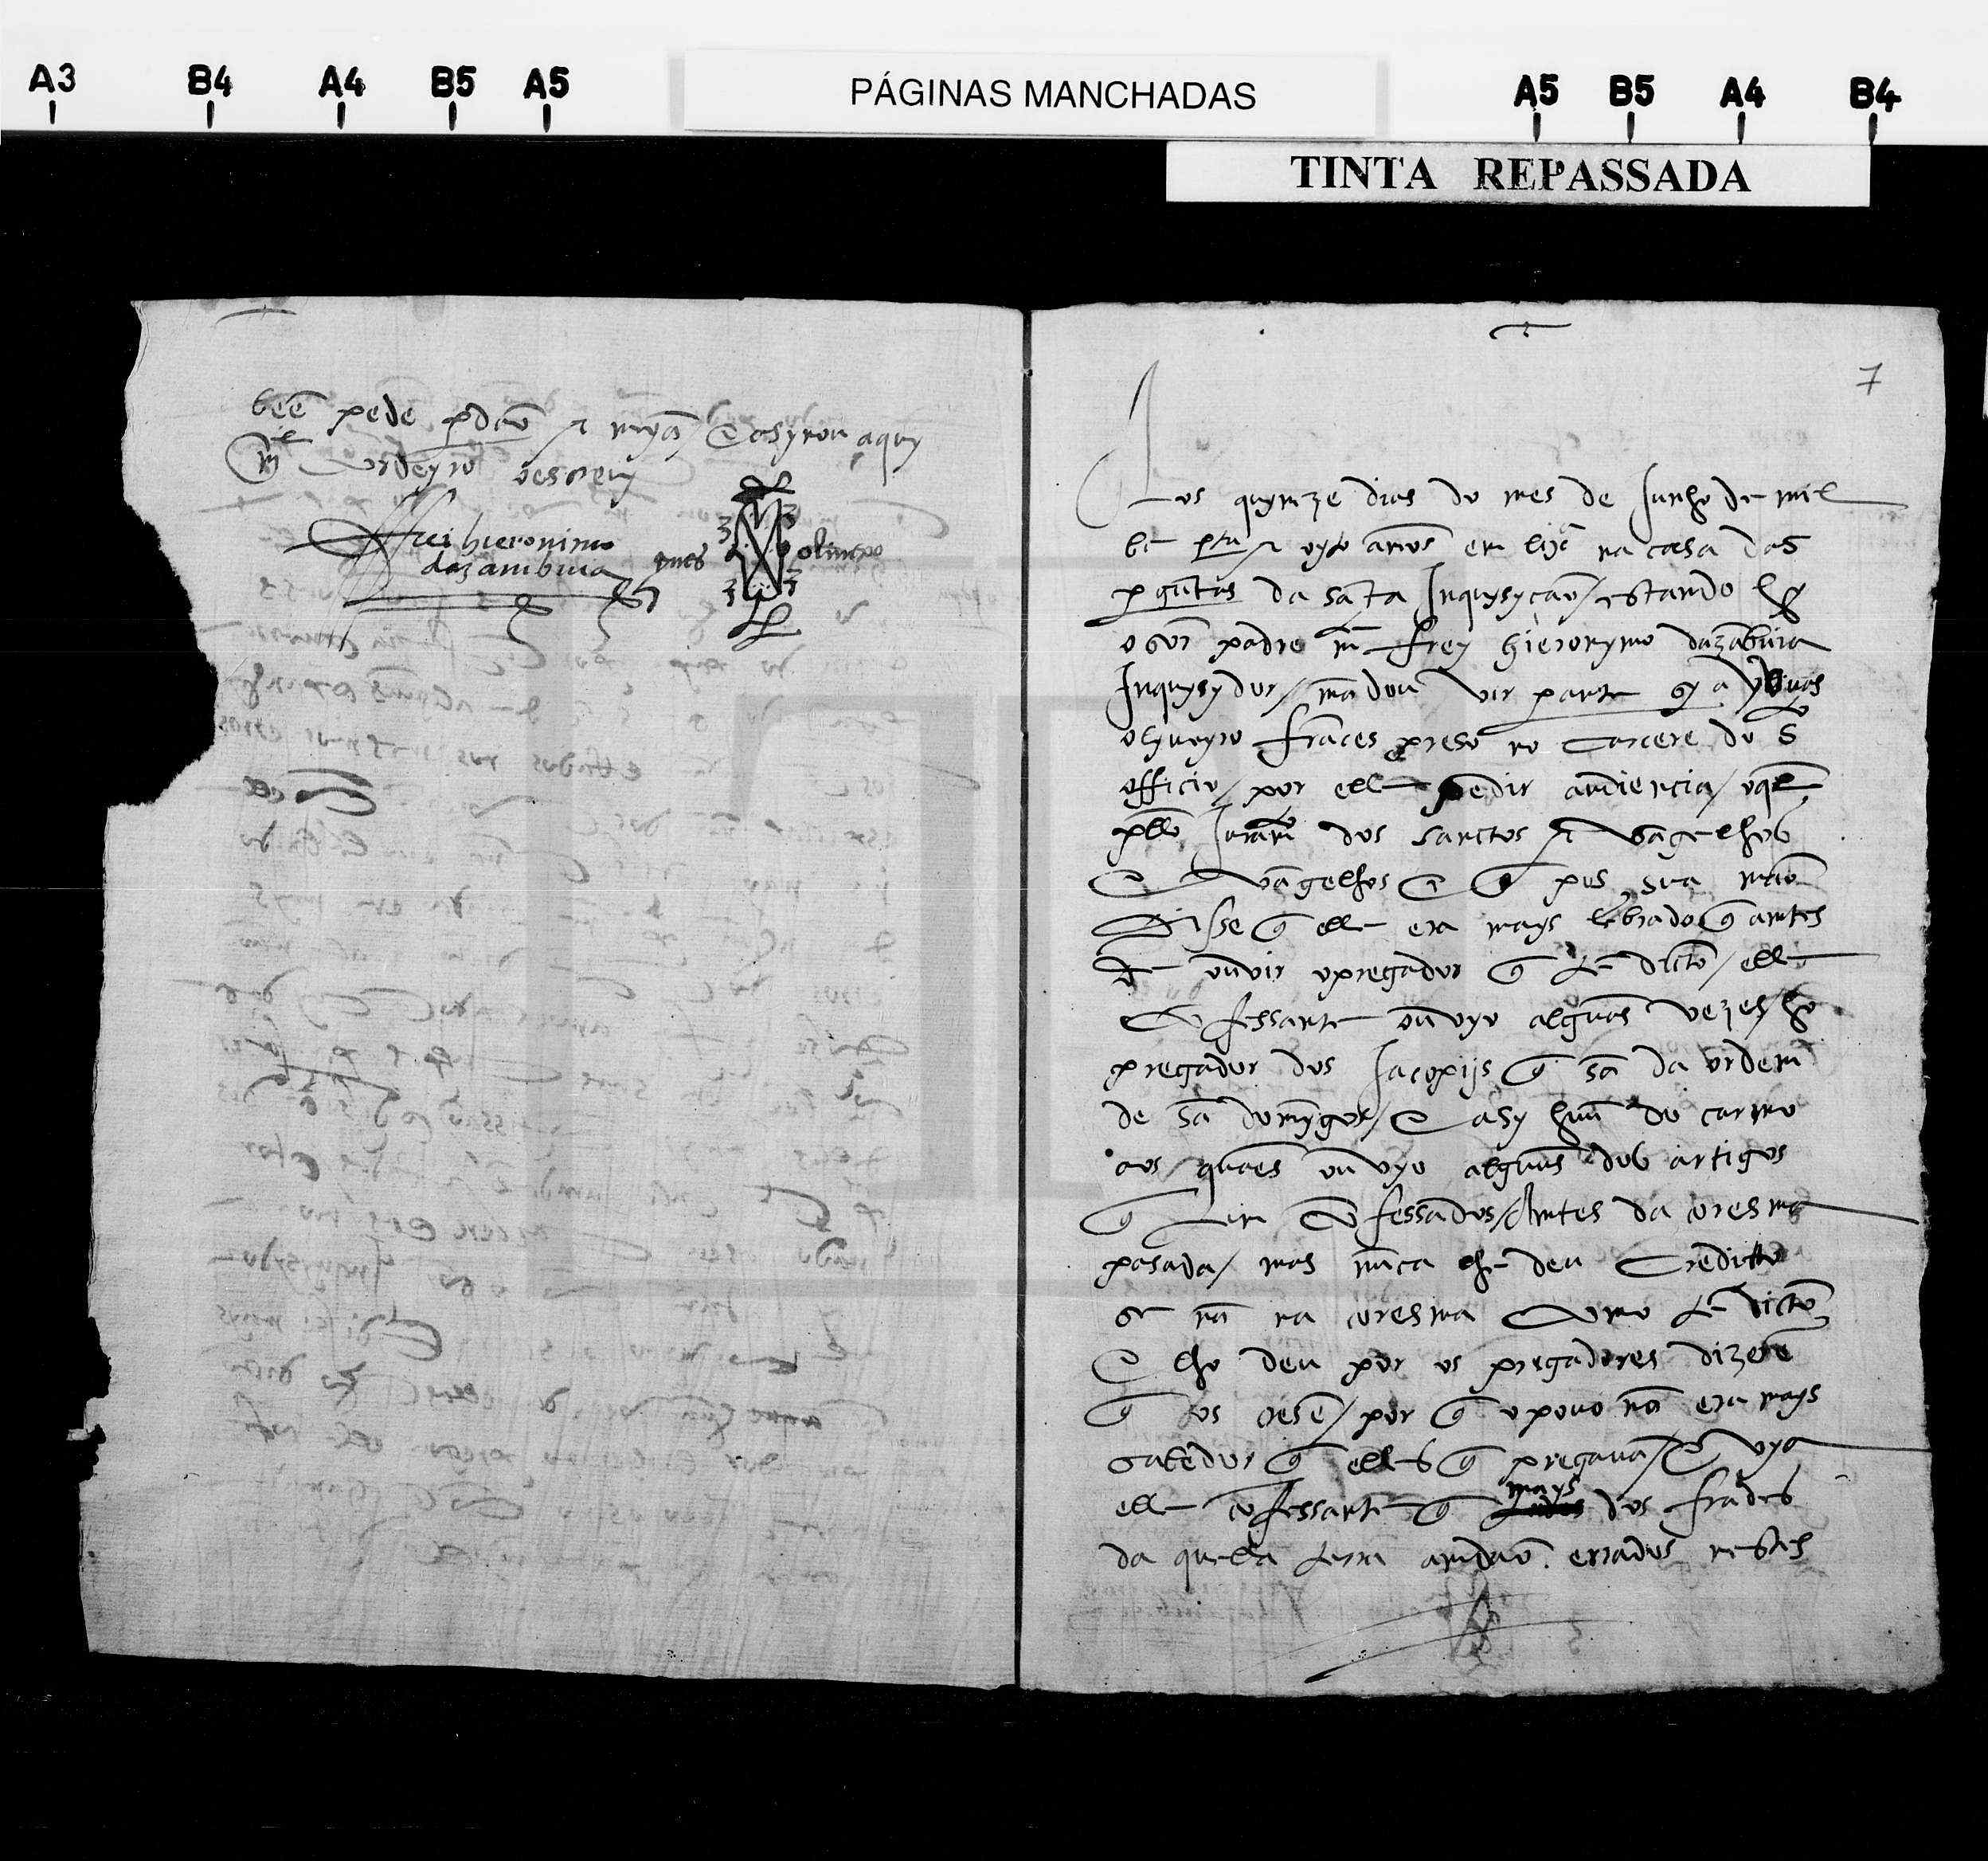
beē pedē ꝑdão a myā e asynou aquy
mel cordeyro o escreuy
frei hieronimo
dazambuia ynes olimpo
Aos quynze dias do mes de Junho de mil
bc Lta e oyto an̄os em lixa na casa das
ꝑgutas da sa̅ta Jnquysyção / estando hy
o sōr padre mte frey hieronymo dazābuia
Jnquysydor mādou vir ꝑante sy a yuas
olyueyro frāces preso no Carcere do Sto
officio / por elle pedir auiencia / o q̄l
pllo Juramto dos sanctos eva̅gelhos
evāgelhos ē q̅ pos sua mão
disse q̅ elle era mays lēbrado q̄ amtes
de ouvir o pregador q̄ tē dicto / elle
Co̅fessante ouvyo algu̅as vezes ho
pregador dos Jacopijs q̄ sā da ordem
de sā dom̄ygos / e asy huū do carmo
aos qūaes ouvyo alguūs dos artigos
q̄ tem cōfessados / Amtes da coresma
pasada / mas nūca lhe deu Creditto
se nā na coresma Como te dicto
e lho deu por os pregadores dizerē
q̄tos cresē / por q̄ o pouo nā era majs
sabedor q̄ elles q̄ pregauā / e vya
elle cōfessante q̄ mays dos frades
daquella terra amdaõ. errados nestes
